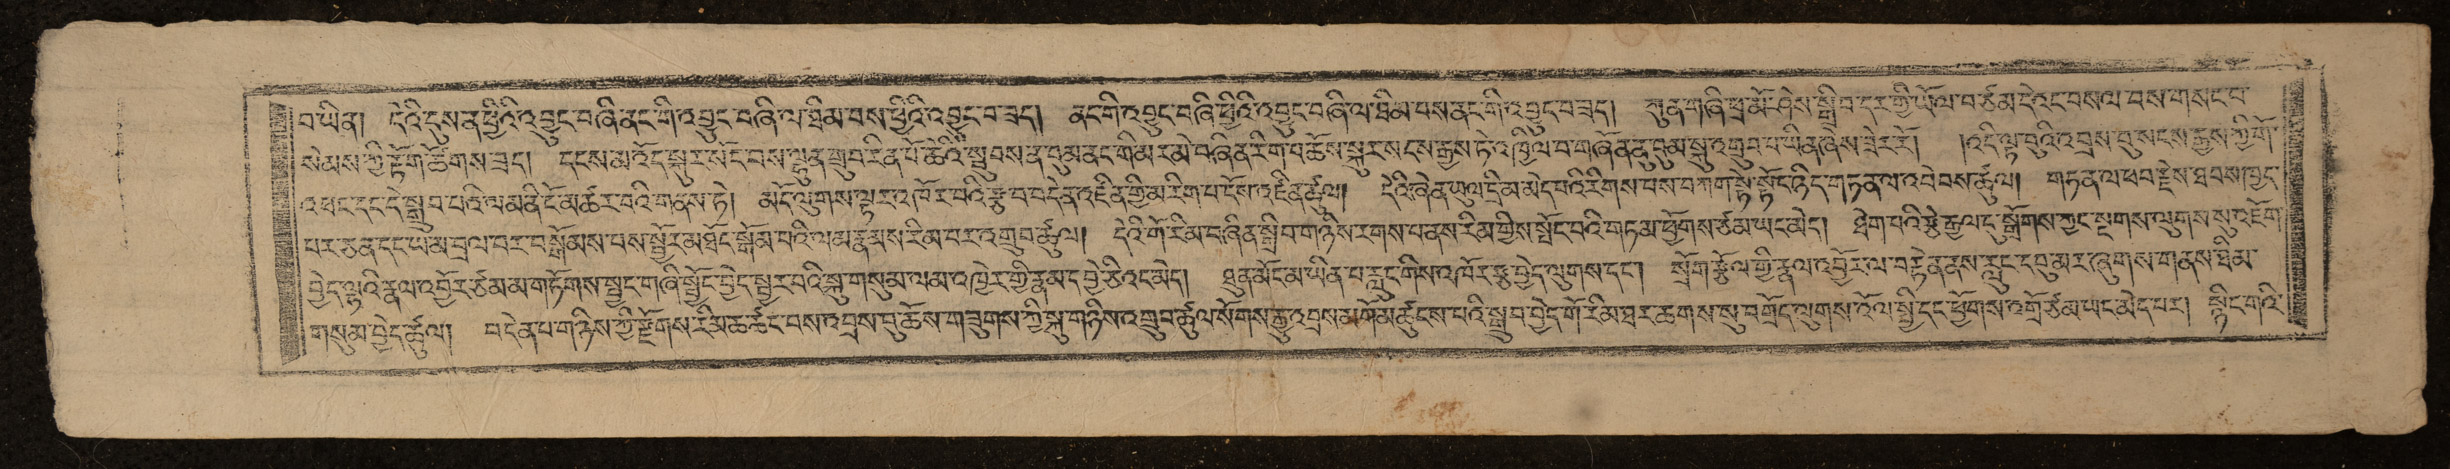པ་ཡིན། དེའི་དུས་ན་ཕྱིའི་འབྱུང་བཞི་ནང་གི་འབྱུང་བཞི་ལ་ཐིམ་པས་ཕྱིའི་འབྱུང་བ་ཟད། ནང་གི་འབྱུང་བཞི་ཕྱིའི་འབྱུང་བཞི་ལ་ཐིམ་པས་ནང་གི་འབྱུང་བ་ཟད། ཀུན་གཞི་ཕྲ་མོ་ཤེས་སྒྲིབ་དར་གྱི་ཡོལ་བ་ཙམ་དེའང་བསལ་བས་གསང་བ་
སེམས་ཀྱི་རྟོག་ཚོགས་ཟད། དང་སམ་འོད་སྐུར་སོང་བས་ལྷུན་གྲུབ་རིན་པོ་ཆེའི་སྦུབས་ན་བུམ་ནང་གི་མར་མེ་བཞིན་རིག་པ་ཆོས་སྐུར་སངས་རྒྱས་ཏེ་འཁྱིལ་བ་གཞོན་ནུ་བུམ་སྐུ་འགྲུབ་པ་ཡིན་ཞེས་ཟེར་རོ། །འདི་ལྟ་བུའི་འབྲས་བུ་སངས་རྒྱས་ཀྱི་གོ་
འཕང་དང་དེ་སྒྲུབ་པའི་ལམ་ནི་ངོ་མཚར་བའི་གནས་ཏེ། མདོ་ལུགས་ལྟར་འཁོར་བའི་རྩ་བ་བདེན་འཛིན་གྱི་མ་རིག་པ་ངོས་འཛིན་ཚུལ། དེའི་ཞེ་ན་ཡུལ་དྲི་མ་མེད་པའི་རིགས་པས་བཀག་སྟེ་སྟོང་ཉིད་གཏན་ལ་འབེབས་ཚུལ། གཏན་ལ་ཕབ་རྗེས་ཐབས་ཁྱད་
པར་ཅན་དང་ཡམ་བྲལ་བར་བསྒོམས་པས་སྦྱོར་མཐོང་སྒོམ་པའི་ལམ་རྣམས་རིམ་པར་འགྲུབ་ཚུལ། དེའི་གོ་རིམ་བཞིན་སྒྲིབ་གཉིས་རགས་པ་ནས་རིམ་གྱིས་སྤོང་བའི་གཏམ་ཕྱོགས་ཙམ་ཡང་མེད། ཐེག་པའི་རྩེ་རྒྱལ་དུ་སྒྲོགས་ཀྱང་སྔགས་ལུགས་སུ་འཇོག་
བྱེད་ལྷའི་རྣལ་འབྱོར་ཙམ་མ་གཏོགས་སྦྱང་གཞི་སྦྱོང་བྱེད་སྦྱར་བའི་སྐུ་གསུམ་ལམ་འཁྱེར་གྱི་རྣམ་དབྱེ་ཅིའང་མེད། ཐུན་མོང་མ་ཡིན་པ་རླུང་གིས་འཁོར་རྩ་བྱེད་ལུགས་དང་། སྲོག་རྩོལ་གྱི་རྣལ་འབྱོར་ལ་བརྟེན་ནས་རླུང་དབུ་མར་ཞུགས་གནས་ཐིམ་
གསུམ་བྱེད་ཚུལ། བདེན་པ་གཉིས་ཀྱི་རྫོགས་རིམ་ཆ་ཚང་བས་འབྲས་བུ་ཆོས་གཟུགས་ཀྱི་སྐུ་གཉིས་འགྲུབ་ཚུལ་སོགས་རྒྱུ་འབྲས་མགོ་མཚུངས་པའི་སྒྲུབ་བྱེད་གོ་རིམ་ཐར་ཆགས་སུ་བགྲོད་ལུགས་འོལ་སྤྱི་དང་ཕྱོགས་འགྲོ་ཙམ་ཡང་མེད་པར། སྙིང་གའི་